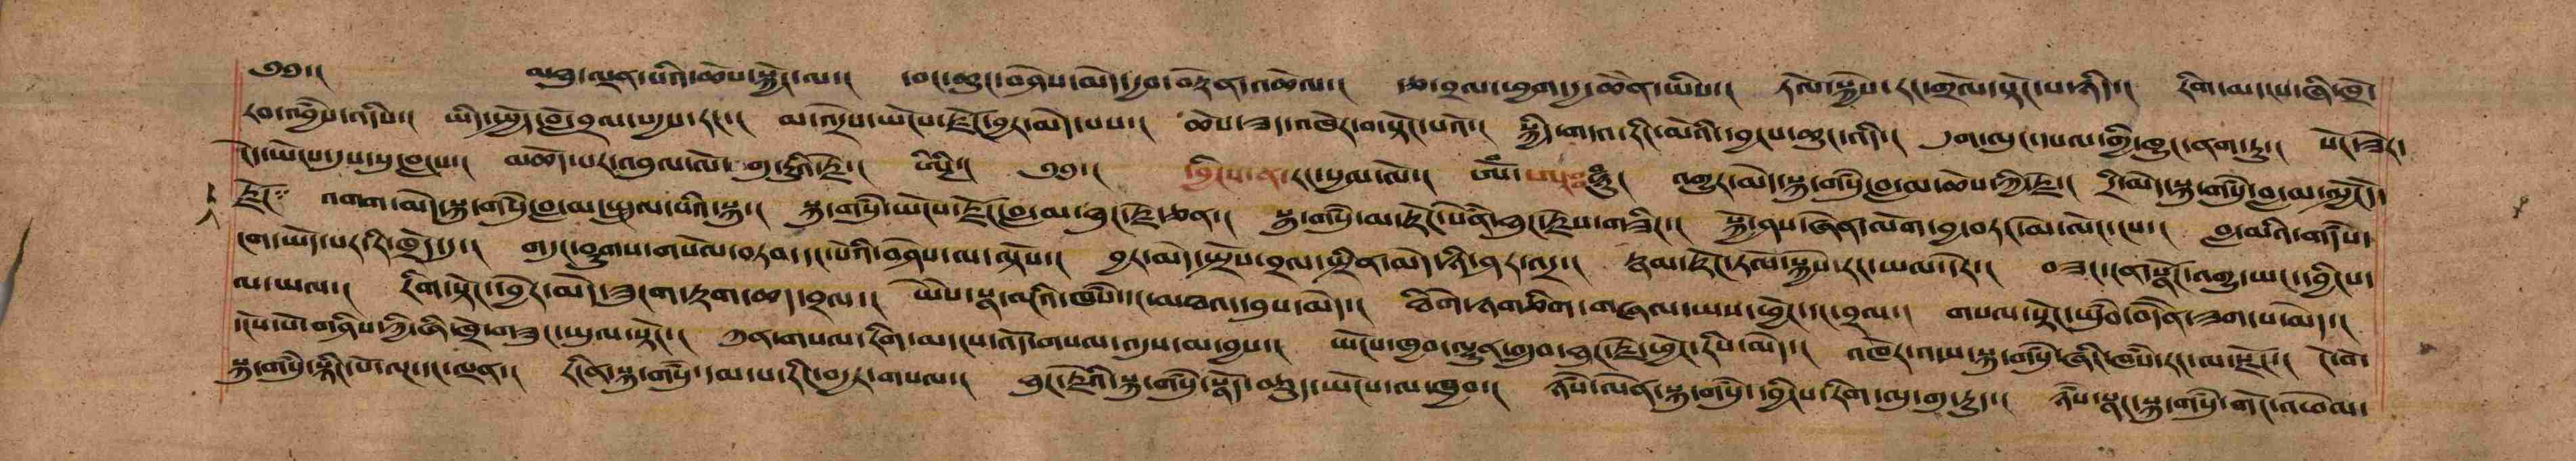༄༅།། མཐུ་ལྡན་པའི་ཆོས་སྐྱོང་ལ།། དབང་ཆུང་བཤེས་མེད་རྒྱབ་བརྟེན་འཆོལ།། རྩ་བྲལ་ཕྱག་རྒྱ་ཆེན་པོ་ཡིས།། ཏོལ་སྐྱེས་རང་གྲོལ་སྟོང་པ་ཉིད།། རིག་མདངས་ཞི་ཁྲོ་
རབ་འབྱམས་འདིས།། ཡིད་སྤྱོད་བློ་བྲལ་སངས་རྒྱས་རང་།། མ་འདྲེས་ཡོངས་རྫོགས་བྱར་མེད་པས།། ཆོས་ཟད་འཁོར་བ་སྟོང་པའོ།། སྐྱིད་གདའ་རིང་མོའི་དབྱངས་ཆུང་འདི།། དུག་ལུང་དཔལ་གྱི་ཁྱུང་ནག་ཏུ།། སོང་ཟེར་
ངེད་ཡོངས་དུས་སུ་བླངས།། མཆོད་པར་འབུལ་ལོ་གུ་རུའི་རྗེ།། ཨིཊི།། ༄༅།། དབྱིངས་ན་རང་གསལ་ལོ།། ཨོཾ་ཨཱཿཧཱུཾ།། འགྱུར་མེད་སྐུ་གསུམ་བླ་མ་ཆོས་ཀྱི་རྗེ།། དྲི་མེད་སྐུ་གསུམ་བླ་མ་ལོངས་སྤྱོད་
རྫོགས།། འགག་མེད་སྐུ་གསུམ་བླ་མ་སྤྲུལ་པའི་སྐུ།། སྐུ་གསུམ་ཡོངས་རྫོགས་བླ་མ་ཐུགས་རྗེ་ཅན།། སྐུ་གསུམ་མ་རྟོགས་སེམས་ཅན་ཐུགས་རྗེས་གཟིགས།། སྐྱོ་ཤས་ཞེན་ལོག་བྱ་བཏང་མེ་ལོང་ངས།། བླ་མའི་གདམས་
ངག་ཡོད་པར་རི་ཁྲོད་དུ།། གདུང་ཤུགས་གསོལ་བཏབ་དང་པོའི་བཤེས་ལ་ལྟོས།། བྱར་མེད་སྤྲོས་བྲལ་སྤྲིན་མེད་ཉི་ཤར་འདྲ།། རྣམ་རྟོག་ཏོལ་སྐྱེས་རང་ཡལ་དེར།། བཟང་ངན་སྣ་ཚོགས་འགྱུ་ཡང་དབྱིངས་
ལ་ཡལ།། རིག་སྟོང་དབྱེར་མེད་ཟུང་འཇུག་རྟག་ཆད་བྲལ།། ཡེ་ཤེས་སྣ་ལྔའི་ཁམས་དང་མཐའ་དབུས་མེད།། ཐིག་ལེ་ཉག་གཅིག་གཞལ་ཡས་ཕྱོགས་དང་བྲལ།། གསལ་སྟོང་ཡབ་ཡུམ་བདེ་ཆེན་ཟག་པ་མེད།། 
དངོས་པོ་གཤིས་ཀྱི་ཞི་ཁྲོ་གཟུང་ཡུལ་སྟོང་།། ཀུན་གསལ་རིག་མདངས་འོད་གསལ་འདུས་མ་བྱས།། ཡོངས་ཁྱབ་ལྷུན་གྲུབ་ཐུགས་རྗེ་ཕྱོགས་རིས་མེད།། འཁོར་འདས་སྐུ་གསུམ་ཞིང་ཁམས་རང་ལ་རྫོགས།། ངོ་བོ་
སྐུ་གསུམ་སྙིང་པོ་ལྔ་དང་ལྡན།། རང་བཞིན་སྐུ་གསུམ་དམ་པ་རིགས་བརྒྱར་གསལ།། ཐུགས་རྗེའི་སྐུ་གསུམ་སྣོད་བཅུད་ཡོངས་ལ་ཁྱབ།། ཉམས་ལེན་སྐུ་གསུམ་དབྱིངས་རིག་ལུ་གུ་རྒྱུད།། ཉམས་སྣང་སྐུ་གསུམ་གོང་འཕེལ་